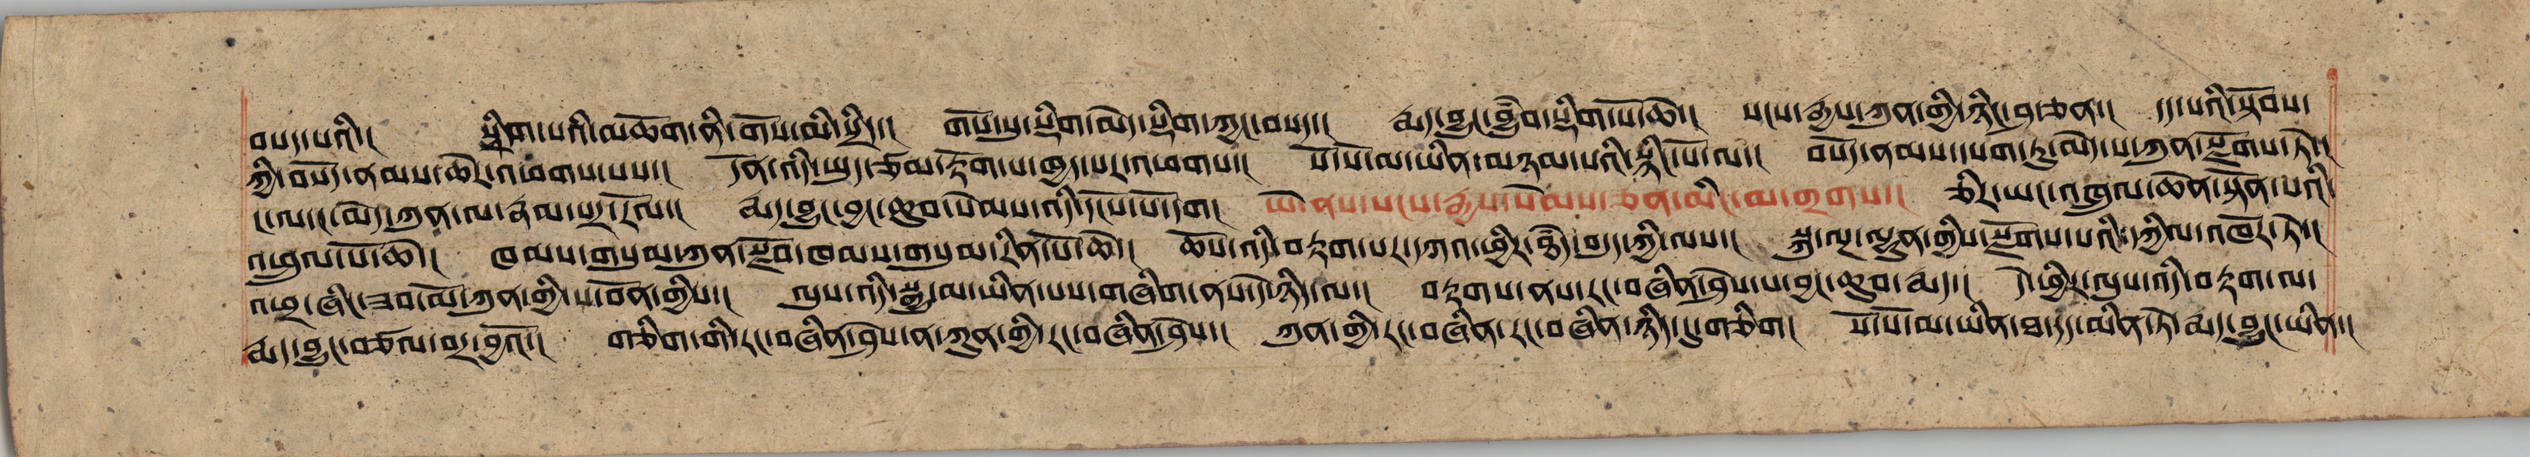བསད་པའི་། སྡིག་པའི་མཆོག་ནི་གོས་མི་སྲིད་། གོས་སུ་སྡིག་མེད་སྡིག་ཀྱང་བསད་། རྨད་བྱུང་བྱུཾབ་སྡིག་པོ་ཆེ་། སངས་རྒྱས་ཀུན་གྱི་ཉིང་ཤ་ཅན་། དད་པའི་སྟོབས་
ཀྱི་བསོད་ནམས་ཆེར་འཕགས་པས་། དོན་འདི་ཡུད་ཙམ་རྟོག་པ་ཁྱད་པར་འཕགས་། སོ་སོ་མ་ཡིན་མཉམ་པའི་སྙིང་པོ་ལ་། བསོད་ནམས་དཔག་ཏུ་མེད་པ་ཀུན་སྫོགས་ཏེ་།
ང་ལ་ང་མེད་ཀུན་ལ་རྣམ་པར་རོལ་། རྨད་བྱུང་བྱང་ཆུབ་སེམས་འདི་དངོས་པོ་དག། ཡེ་ནས་སངས་རྒྱས་སེམས་ཅན་མིང་མ་གྲགས་། ཅིར་ཡང་འཁྲུལ་ཆེན་སྟོན་པའི་
འཕྲུལ་པོ་ཆེ་། ཁམས་གསུམ་ཀུན་་སྫོབ་ཁམས་གསུམ་རིན་པོ་ཆེ་། ཆོས་འདི་བརྟག་པར་དཀའ་ཕྱིར་ཐཾད་བདུད་ཀྱི་ལས་། སྐུ་ལྔ་ལྷུན་གྱིས་སྫོགས་པའི་དཀྱིལ་འཁོར་ཏེ་།
འཕྲ་ཞིང་ཟབ་་མོ་ཀུན་གྱི་ས་བོན་གྱིས་། ལུས་འདི་སྒྱུ་མ་ཡིན་པས་གཞིག་ནས་དེ་ཉིད་ལ་། བརྟགས་ནས་རང་བཞིན་ཤེས་པ་བྱང་ཆུབ་རྨད་། དེ་ཕྱིར་ལུས་འདི་བརྟག་ལ་
རྨད་བྱུང་བཙལ་བར་བྱའོ་། གཅིག་གི་རང་བཞིན་ཤེས་ན་ཀུན་གྱི་རང་བཞིན་ཤེས་། ཀུན་གྱི་རང་བཞིན་རང་བཞིན་ཉིད་དུ་གཅིག། སོ་སོ་མ་ཡིན་ཐ་དད་མིན་ཏེ་རྨད་བྱུང་ཡིན་།